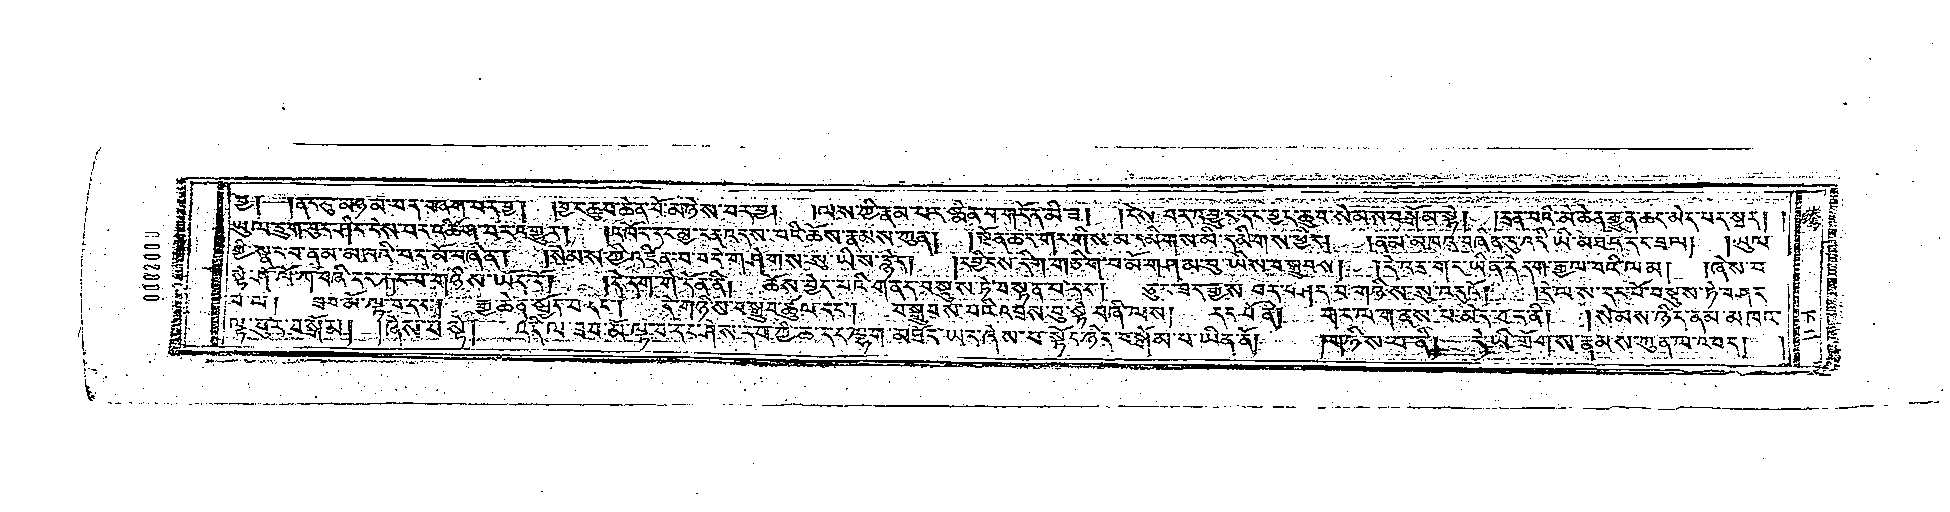བྱ། །ནང་དུ་མཉམ་བར་བཞག་བར་བྱ། །བྱང་ཆུབ་ཆེན་པོ་མཉེས་པར་བྱ། །ལས་ཀྱི་རྣམ་པར་སྨིན་པ་གདོན་མི་ཟ། །ངེས་པར་འབྱུང་དང་བྱང་ཆུབ་སེམས་བསྒོམ་སྟེ། །དྲན་པའི་མེ་ཆེན་རྒྱུན་ཆད་མེད་པར་སྤར། །
ཡུལ་དྲུག་བུར་ཤིང་ངེས་པར་འཚིག་པར་འགྱུར། །འཁོར་དང་མྱ་ངན་འདས་པའི་ཆོས་རྣམས་ཀུན། །སྔོན་ཆང་གང་གིས་མ་དམིགས་མི་དམིགས་ཕྱིར། །ནམ་མཁའ་བཞིན་དུ་འདི་ཡི་མཐའ་དང་བྲལ། །ཡུལ་
གྱི་སྣང་བ་ནམ་མཁའི་པར་མོ་བཞིན། །སེམས་ཀྱི་འཛིན་བ་བདེ་གཤེགས་སུ་ཡིས་རྙེད། །དབྱིངས་རིག་གཅིག་བ་མོ་གཤམ་བུ་ཡིས་བསྒྲུབས། །དེ་འདྲ་གང་ཡིན་དེ་དག་རྒྱལ་བའི་ལམ། །ཞེས་པ་
སྟེ་ཤོ་ལོ་ཀ་བཞི་དང་རྐང་བ་གཉིས་ཡོད་དོ། །དེ་དག་གི་དོན་ནི། ཆོས་བྱེད་པའི་གནད་བསྡུས་ཏེ་བསྟན་པ་དང་། ཅུང་ཟད་རྒྱས་བར་བཤད་པ་གཉིས་སུ་འདུའོ། །དེ་ལས་དང་པོ་བསྡུས་ཏེ་བཤད་
བ་ལ། ཟབ་མོ་ལྟ་བ་དང་། རྒྱ་ཆེན་སྤྱོད་བ་དང་། དེ་གཉིས་བསྒྲུབ་ཚུལ་དང་། བ་སྒྲུབས་པའི་འབྲས་བུ་སྟེ་བཞི་ལས། དང་པོ་ནི། གང་ལ་གནས་པ་མེད་བར་ནི། །སེམས་ཉིད་ནམ་མཁའ་
ལྟ་བུར་བ་སྒོམ། །ཞེས་པ་སྟེ། འདི་ལ་ཟབ་མོ་ལྟ་བ་དང་ཤེས་རབ་ཀྱི་ཆ་དང་ལྷག་མཐོང་ཡང་ཞེས་པ་སྟོང་ཉིད་བསྒོམ་པ་ཡིན་ནོ། །གཉིས་པ་ནི། དེ་ཡི་གྲོགས་རྣམས་ཀུན་ལ་འབད།